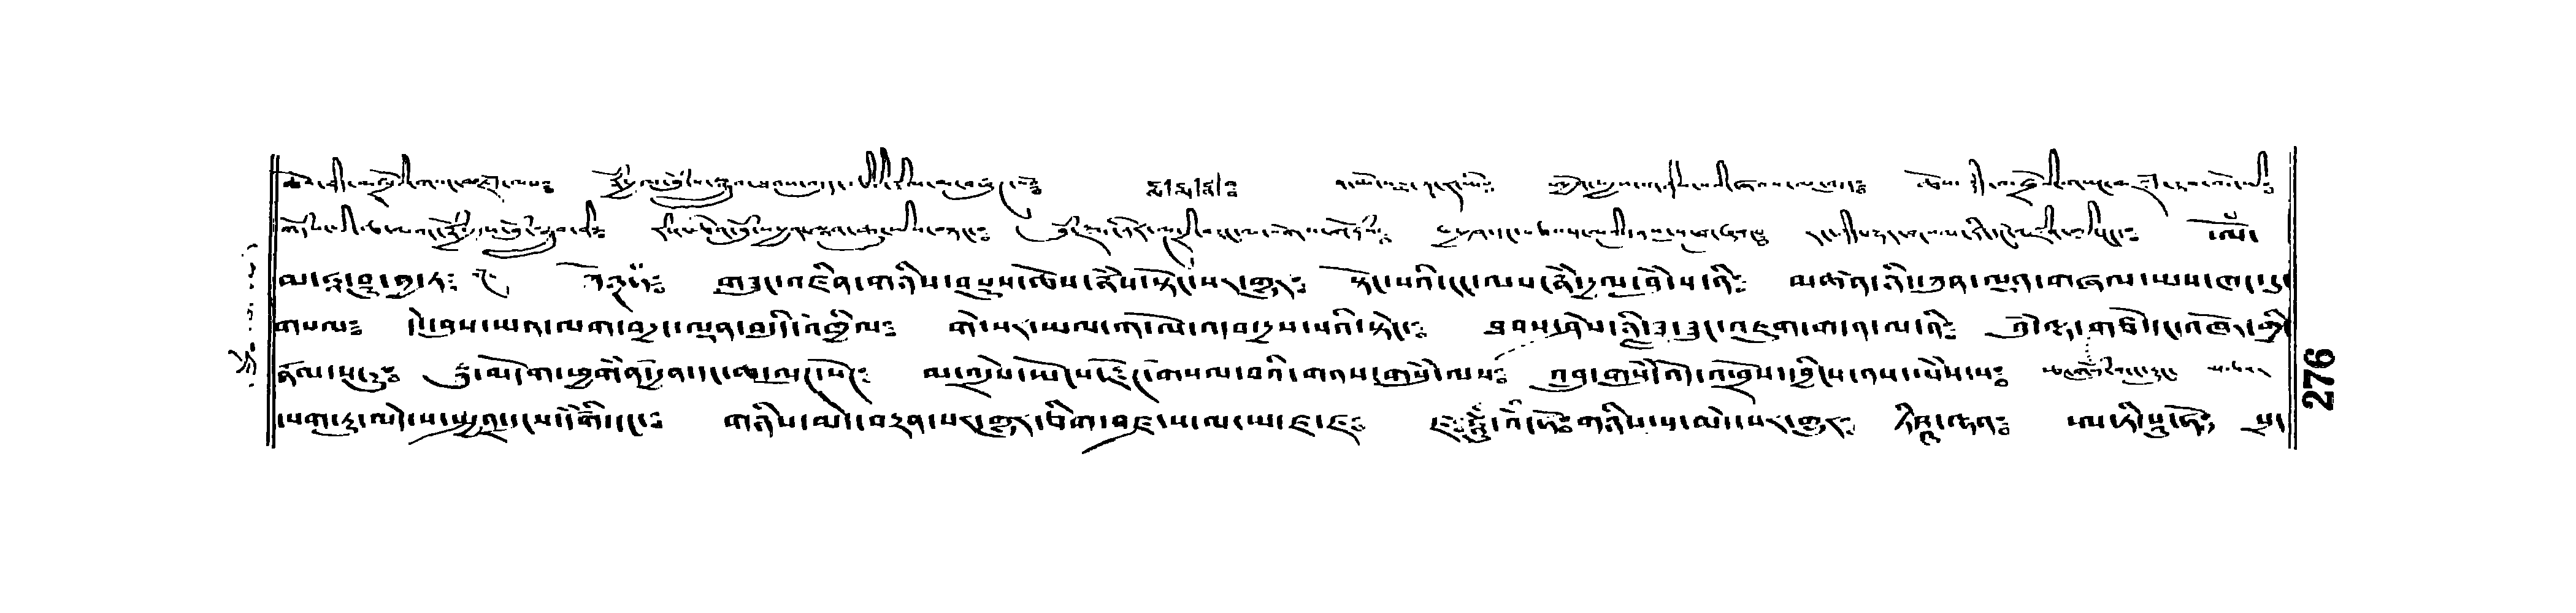ཆོས་ཉིད་མཁའ་འགྲོའི་གསང་མཛོད་ལས༔ རྣམ་རྒྱལ་བུམ་པ་སྒྲུབ་ཐབས་བདུད་རྩིའི་ཟིལ་མ་བཞུགས་སོ༔ ན་མོ་པདྨ་ཀཱ་ར་ཡེ༔ ཨོ་རྒྱན་སངས་རྒྱས་གཉིས་པའི་ཞབས་ལ་འདུད༔ ཆོས་ཉིད་མཁའ་འགྲོའི་གསང་མཛོད་ཟབ་མོ་ཡི༔ 
གདམས་པའི་ཆ་ལག་རྣམ་རྒྱལ་བུམ་སྒྲུབ་ནི༔ རིན་ཆེན་བུམ་པ་རྒྱན་ལྡན་ཆུ་ཡིས་བཀང༔ བུམ་རྫས་ཉེར་ལྔ་དྲི་བཟང་ལ་སོགས་གཏམ༔ ཁ་རྒྱན་དང་བཅས་དལ་གི་དབུས་སུ་གཞུག༔ རང་ཉིད་ལྷར་གསལ་ཏིང་ངེ་འཛིན་ཀྱི་ངང༔ ཨོཾ་
མ་ཧཱ་བཱུ་ནྱ་ཏ༴ སོགས༔ ཀོ྅ཧཾ༔ གཟུང་འཛིན་གཉིས་བསྡུས་ཆོས་རྣམས་སྟོང་པར་གྱུར༔ སྟོང་པའི་ངང་ལས་རྣམ་རྒྱལ་བུམ་པ་ནི༔ མཚན་ཉིད་ཀུན་ལྡན་གཞལ་ཡས་ཁང་དུ་
གསལ༔ དེ་དབུས་ཡན་ལག་བརྒྱད་ལྡན་བདུད་རྩི་འཁྱིལ༔ གེ་སར་ཡལ་ག་ལོ་འདབ་རྒྱས་པའི་སྟེང༔ ཐབས་ཤེས་ཉི་ཟླ་ཟུང་འཇུག་གདན་ལ་ནི༔ བུམ་ལྷ་གཙོ་དང་འཁོར་གྱི་
རྣམ་པ་རུ༔ སྐུ་མདོག་ཕྱག་མཚན་རྒྱན་དང་ཆ་ལུགས་སོགས༔ མ་འདྲེས་ཡོངས་རྫོགས་གསལ་བའི་གནས་གསུམ་ལས༔ འབྲུ་གསུམ་འོད་འཕྲོས་དབྱིངས་ནས་ཡེ་ཤེས་པ༔ 
དཔག་ཏུ་མེད་པ་སྤྱན་དྲངས་དམ་ཚིག་དང༔ གཉིས་མེད་བརྟན་པར་གྱུར་ཅིག་བཛྲ་ས་མ་ཡ་ཛ་ཛཿ ཛཿཧཱུྃ་བྃ་ཧོཿགཉིས་སུ་མེད་པར་གྱུར༔ ཏིཥྛ་ལྷན༔ ཨ་ཏི་པཱུ་ཧོ༔ པྲ་